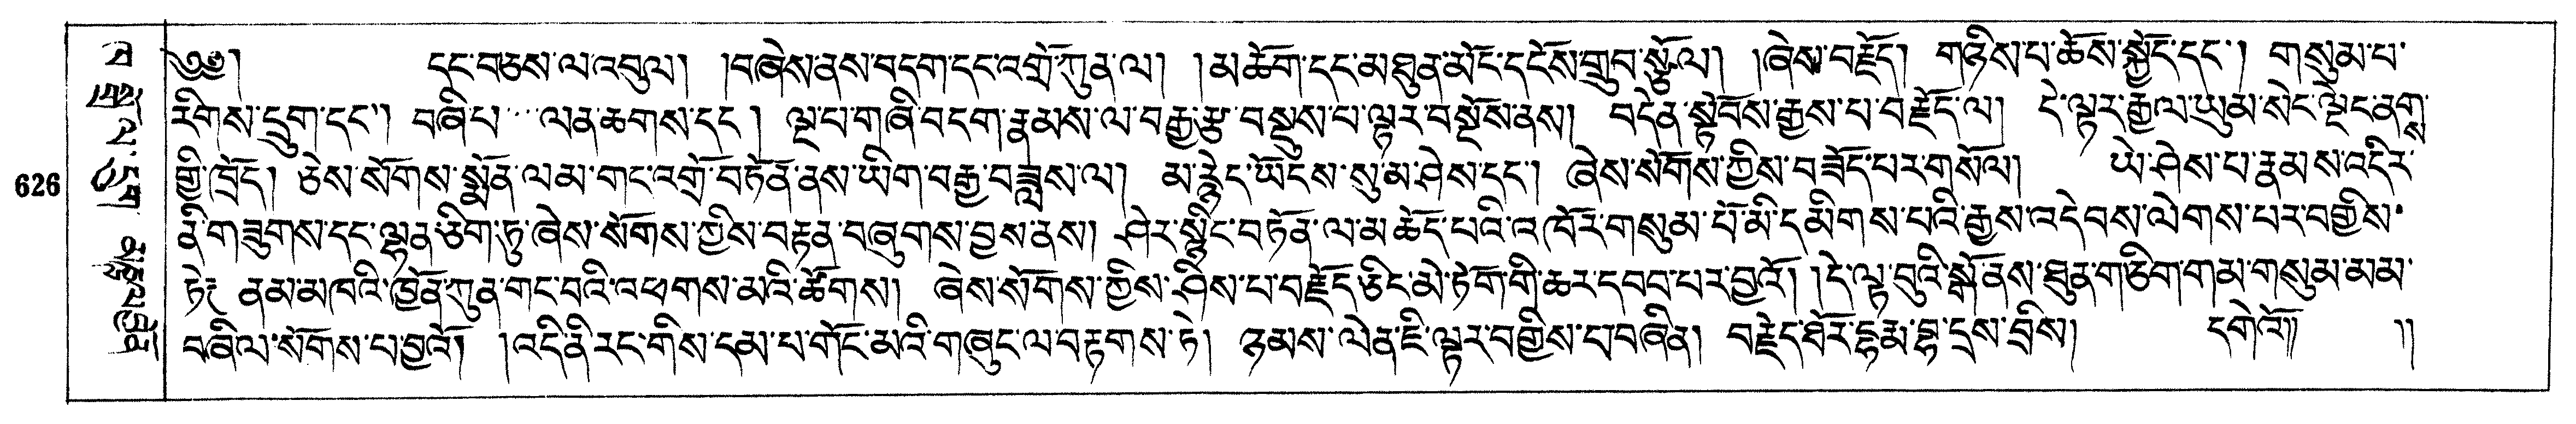༄༅། །དང་བཅས་ལ་འབུལ། །བཞེས་ནས་བདག་དང་འགྲོ་ཀུན་ལ། །མཆོག་དང་མཐུན་མོང་དངོས་གྲུབ་སྩོལ། །ཞེས་བརྗོད། གཉིས་པ་ཆོས་སྐྱོང་དང་། གསུམ་པ་
རིགས་དྲུག་དང་། བཞི་པ་ལན་ཆགས་དང་། ལྔ་པ་གཞི་བདག་རྣམས་ལ་བརྒྱ་རྩ་བསྡུས་པ་ལྟར་བསྔོས་ནས། བདེན་སྟོབས་རྒྱས་པ་བརྗོད་ལ། དེ་ལྟར་རྒྱལ་ཡུམ་སེང་ལྡེང་ནགས་
གྱི་ཁྲོད། ཅེས་སོགས་སྨོན་ལམ་གང་འགྲོ་བཏོན་ནས་ཡིག་བརྒྱ་བཟླས་ལ། མ་རྙེད་ཡོངས་སུ་མ་ཤེས་དང་། ཞེས་སོགས་ཀྱིས་བཟོད་པར་གསོལ། ཡེ་ཤེས་པ་རྣམས་འདིར་
ནི་གཟུགས་དང་ལྷན་ཅིག་ཏུ་ཞེས་སོགས་ཀྱིས་བརྟན་བཞུགས་བྱས་ནས། ཤེར་སྙིང་བཏོན་ལ་མཆོད་པའི་འཁོར་གསུམ་པོ་མི་དམིགས་པའི་རྒྱས་འདེབས་ལེགས་པར་བགྱིས་
ཏེ༑ ནམ་མཁའི་ཁྱོན་ཀུན་གང་བའི་འཕགས་མའི་ཚོགས། ཞེས་སོགས་ཀྱིས་ཤིས་པ་བརྗོད་ཅིང་མེ་ཏོག་གི་ཆར་དབབ་པར་བྱའོ། །དེ་ལྟ་བུའི་སྒོ་ནས་ཐུན་གཅིག་གམ་གསུམ་མམ་
བཞི་ལ་སོགས་པ་བྱའོ། །འདི་ནི་རང་གིས་དམ་པ་གོང་མའི་གཞུང་ལ་བརྟགས་ཏེ། ཉམས་ལེན་ཇི་ལྟར་བགྱིས་པ་བཞིན། བརྗེད་ཐོར་དྷརྨ་བྷ་དྲས་བྲིས། དགེའོ།། །།